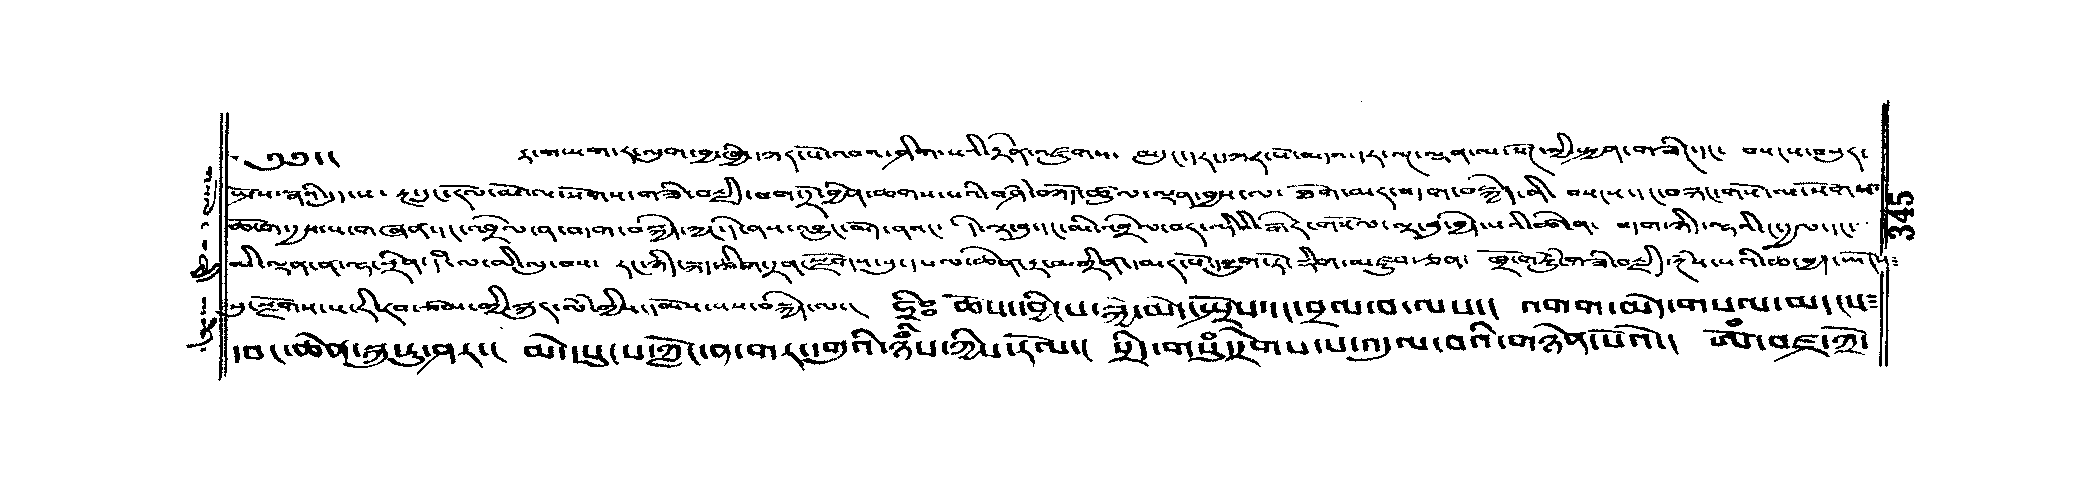རྟ་གཡག་ར་ལུག་བྱ་ཁྱི་དཀར་པོ་འབའ་ཤིག་པའི་རྟེན་འཛུགས། མདུང་དར་དཀར་པོ་མདའ་ལྔ་ལྡན་ལ་སོགས་ཀྱི་སྤྱན་གཟིགས་དང་། བསངས་བསུར་
སྤོས་སྣའི་དུད་དང་། རྔ་དུང་རོལ་མོ་ལ་སོགས་གཟི་བརྗིད་བག་དྲོ་བྱིན་ཆགས་པའི་བཤམས་བཀོད་ཚུལ་ལྡན་བྱས་ལ། ཐོག་མར་བདག་བསྐྱེད་ནི། བསངས་དང་བསྐང་གསོ་ལ་སོགས་
ཆོ་ག་རྒྱས་པ་གཞན་དང་འབྲེལ་ན་བདག་བསྐྱེད་ཀྱང་དེ་ནས་འབྱུང་མོད་ནའང་། དེ་ལྟ་བུ་དང་མི་འབྲེལ་བར་འདིའི་སྒེར་གསོལ་ལྟ་བུ་བྱེད་པའི་ཚེ་ན། བདག་ཉིད་ལྷའི་ང་རྒྱལ་དང་
མི་ལྡན་ན་ལྷ་སྲིན་དམ་ཅན་དེ་ལ་མི་འདུ་བས། རང་ཉིད་སྐད་ཅིག་དྲན་རྫོགས་སུ་དཔལ་ཆེན་རྟ་མགྲིན་དམར་པོ་དབྱུག་ཏོ་སྡིག་མཛུབ་ཅན། ཁྲོ་གཏུམ་གཟི་བརྗིད་རྔམས་པའི་ཆ་བྱད་ཡོངས་
སུ་རྫོགས་པ་རི་རབ་ཙམ་་གྱི་སྐུར་ལམ་གྱིས་མོས་པས་བསྐྱེད་ལ། ཧྲཱིཿ ཆོས་དབྱིངས་སྐྱེ་མེད་སྤྲོས་དང་བྲལ་བ་ལས། །འགག་མེད་གསལ་མདངས་
དབང་ཆེན་སྐུ་རུ་ཤར། །མེ་དཔུང་ཀློང་ནས་གར་དགུའི་ཉམས་ཀྱིས་རོལ། །སྲིད་གསུམ་དྲེགས་པ་འདུལ་བའི་གཉེན་པོའོ། །ཨོྂ་བཛྲ་ཀྲོ་